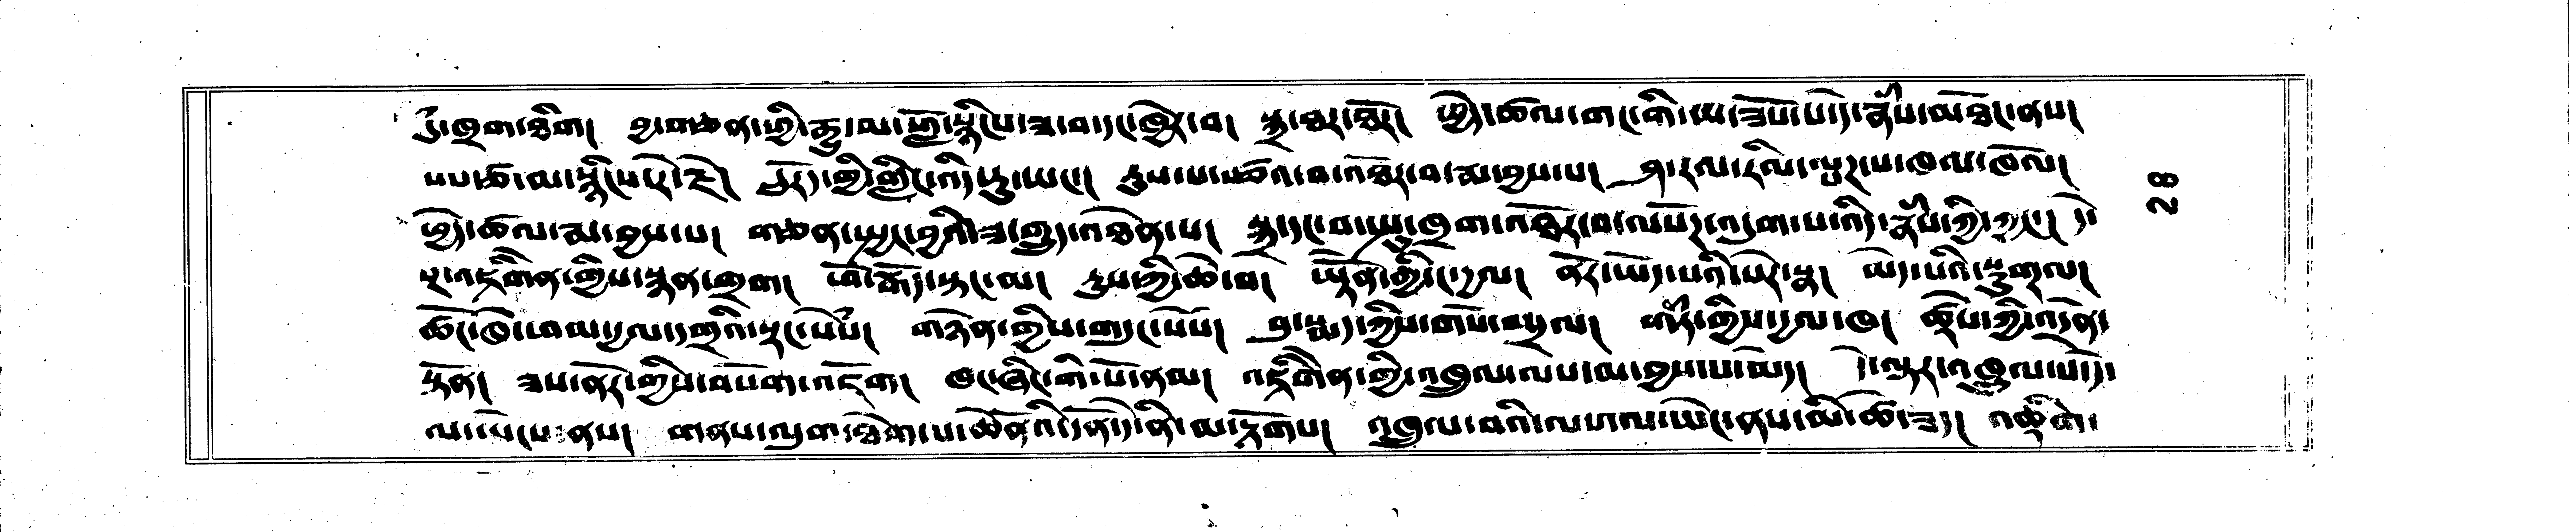དུམ་ཁྲག་ཐིག བྱ་གཅན་གྱི་སྒྱུ་མ་གློ་སྙིང་ཟ་བ་དང་ཁྱེར་བ། སྐྲ་ཐར་ཐོར་ཕྱེད་ཚལ་གང་གིས་མ་ཟོས་པ་དེ་རྣམས་མཐོང་ནས། 
ཨ་ཙ་མ་སྙིང་རེ་རྗེ། དུར་ཁྲོད་ཀྱི་གླིང་འདི་རུ་ཡང་། རུས་པ་བཙའ་བ་འཐོར་བ་སྨ་བྱས་པ། ཤ་རལ་རིལ་ལྤགས་པ་ཁལ་ཁོལ། 
ཕྱེད་ཚལ་སྨ་བྱས་པ། གཅན་སྤྱང་བྱ་ཡི་ཟ་དྲུད་འཐེན་པ། སྐྲ་དང་བ་སྤུ་ཁྲག་འཐོར་བ་ལ་སོགས་འདུག་པ་འདི་རྣམས་ཀྱང་། དེ་
སྔ་འཇིག་རྟེན་གྱིས་སྙན་གྲགས། ཕོ་རྒོད་སྟང་མ། རུས་ཀྱི་ཆེ་བ། ཡོན་ཏན་གྱི་ང་རྒྱལ། ནོར་ཡོད་པའི་སེར་སྣ། མེད་པའི་སྡུག་བསྔལ། 
ཚོང་ཁེ་ཕམ་རྒྱལ་དགྲ་ཡི་སྡང་སེམས། གཉེན་གྱི་གདུང་སེམས། བུད་མེད་ཀྱི་གསོ་བསྲལ། གཏམ་གྱི་རྒྱལ་ཁ། ཚེ་འདས་ཀྱི་འདྲེན་
སྟོན། ཟས་ནོར་གྱི་གསོག་འཇོག ཁང་ཞིང་གི་སོ་ནམ། འཇིག་རྟེན་གྱི་འཁྲུལ་ལས་མ་བྱས་པ་མེད། དེ་ལྟར་འཁྲུལ་པ་དེ་
ལ་ཡེངས་ནས། གནས་ལུགས་ཐེག་པ་ཆེན་པོའི་དོན་དེ་ནི་མ་རྟོགས། འཁྲུལ་པའི་ལས་ལ་ཡེངས་ནས་མི་ཚེ་ཟད། འཆི་བདག་